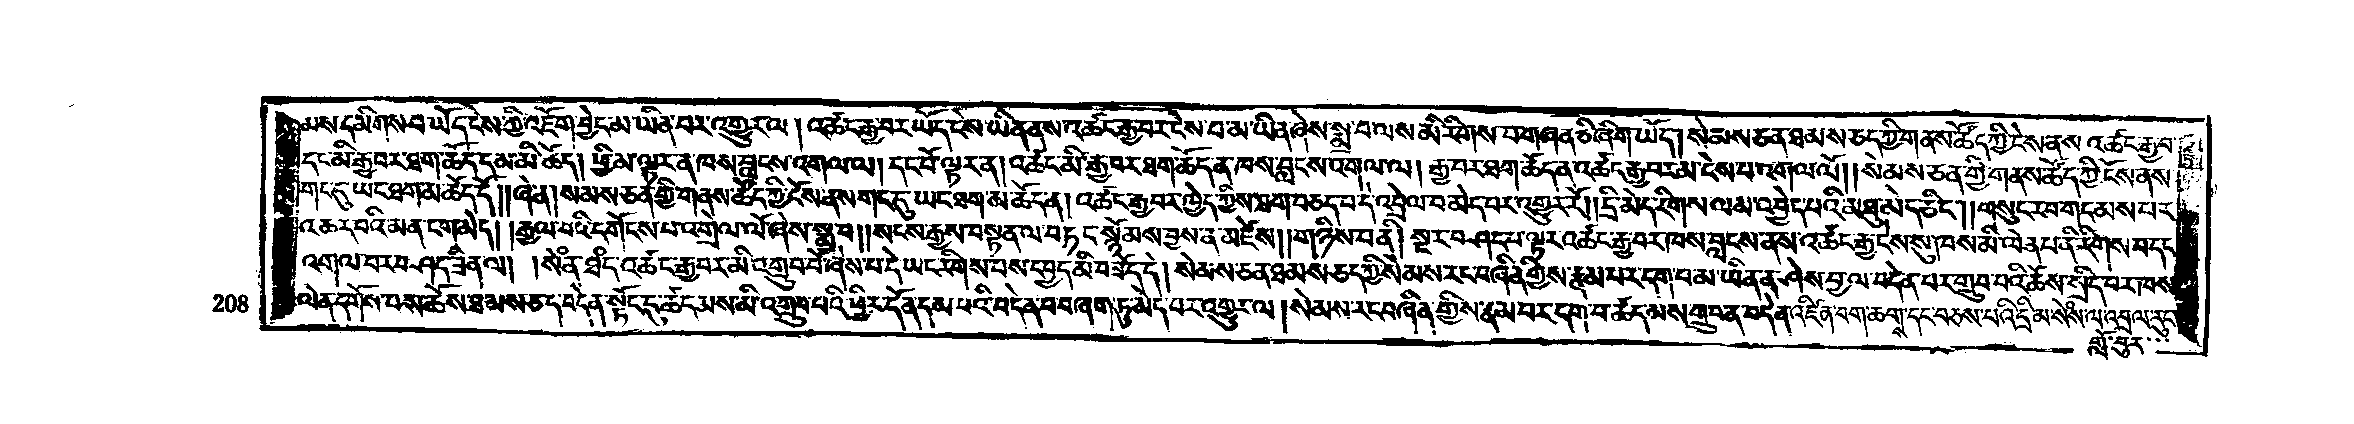མས་དམིགས་པ་ཡོད་ངེས་ཀྱི་འཇོག་བྱེད་མ་ཡིན་པར་འགྱུར་ལ། འཚང་རྒྱ་བར་ཡོད་ངེས་ཡིན་ནས་འཚང་རྒྱ་བར་ངེས་པ་མ་ཡིན་ཞེས་སྨྲ་བ་ལས་མི་རིགས་བ་གཞན་ཅི་ཞིག་ཡོད། སེམས་ཅན་ཐམས་ཅད་ཀྱི་གནས་ཚོད་ཀྱི་ངེས་ནས་འཚང་རྒྱ་བ་
དང་མི་རྒྱ་བར་ཐག་ཆོད་དམ་མི་ཆོད། ཕྱི་མ་ལྟར་ན་ཁས་བླངས་འགལ་ལ། དང་པོ་ལྟར་ན། འཚང་མི་རྒྱ་བར་ཐག་ཆོད་ན་ཁས་བླངས་འགལ་ལ། རྒྱ་བར་ཐག་ཆོད་ན་འཚང་རྒྱ་བར་མ་ངེས་པ་འགལ་ལོ། །སེམས་ཅན་གྱི་གནས་ཚོད་ཀྱི་ངོས་ནས་
གང་དུ་ཡང་ཐག་མ་ཆོད་དོ། །ཞེ་ན། སེམས་ཅན་གྱི་གནས་ཚོད་ཀྱི་ངོས་ནས་གང་དུ་ཡང་ཐག་མ་ཆོད་ན། འཚང་རྒྱ་བར་ཁྱེད་ཀྱིས་ཐག་བཅད་པ་དེ་འབྲེལ་བ་མེད་པར་འགྱུར་རོ། །དྲི་མེད་རིགས་ལམ་འབྱེད་པའི་མཐུ་མེད་ཅིང་། །གསུང་རབ་གདམས་པར་
འཆར་པའི་མན་ངག་མེད། །རྒྱལ་བའི་དགོངས་པ་འགྲེལ་ལོ་ཞེས་སྨྲ་བ། །སངས་རྒྱས་བསྟན་ལ་བཏང་སྙོམས་བྱས་ན་མཛེས། །གཉིས་པ་ནི། སྔར་བཤད་པ་ལྟར་འཚང་རྒྱ་བར་ཁས་བླངས་ནས་འཚང་རྒྱ་ངེས་སུ་ཁས་མི་ལེན་པ་ནི་རིགས་པ་དང་
འགལ་བར་བཤད་ཟིན་ལ། སེམས་ཅན་ཐམས་ཅད་འཚང་རྒྱ་བར་མི་འགྲུབ་བོ་ཞེས་པ་དེ་ཡང་རིགས་པས་དཔྱད་མི་བཟོད་དེ། སེམས་ཅན་ཐམས་ཅད་ཀྱི་སེམས་རང་བཞིན་གྱིས་རྣམ་པར་དག་པ་མ་ཡིན་ན་ཤེས་བྱ་ལ་བདེན་པར་གྲུབ་པའི་ཆོས་སྲིད་པར་ཁས་
ལེན་དགོས་པས་ཆོས་ཐམས་ཅད་བདེན་སྟོང་དུ་ཚད་མས་མི་འགྲུབ་པའི་ཕྱིར་དོན་དམ་པའི་བདེན་པ་བཞག་ཏུ་མེད་པར་འགྱུར་ལ། སེམས་རང་བཞིན་གྱིས་རྣམ་པར་དག་པ་ཚད་མས་གྲུབ་ན་བདེན་འཛིན་བག་ཆགས་དང་བཅས་པའི་དྲི་མ་སེམས་ལ་འབྲལ་རུང་གློ་བུར་